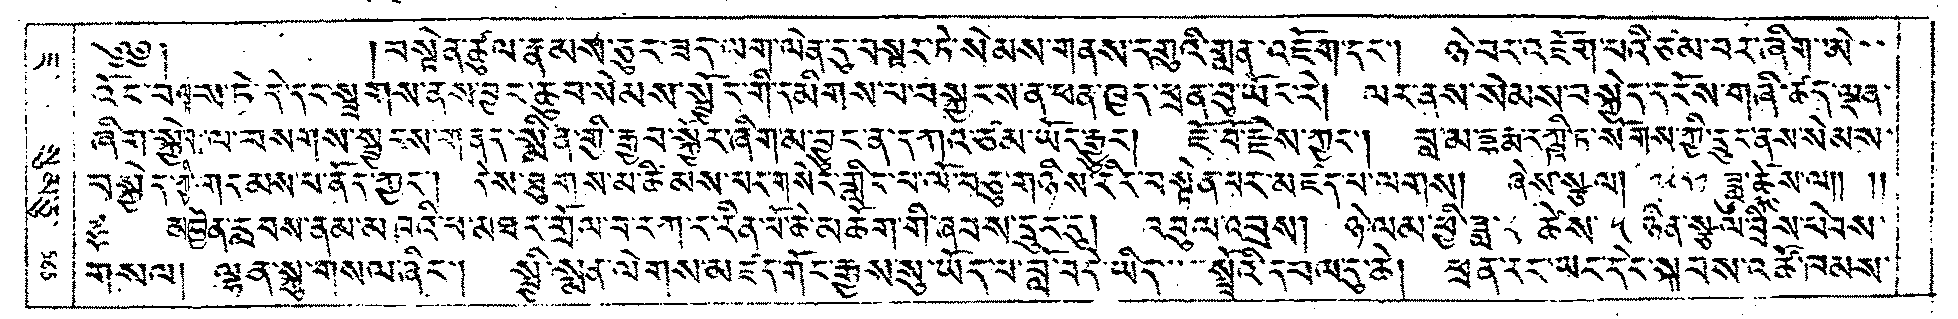༄༅། །བསྟེན་ཚུལ་རྣམས་ཅུང་ཟད་ལག་ལེན་དུ་བསྟར་ཏེ་སེམས་གནས་དགུའི་གླན་འཇོག་དང་། ཉེ་བར་འཇོག་པའི་ཙམ་བར་ཞིག་ཨེ་
འོང་བལྟས་ཏེ་དེ་དང་སྦྲགས་ནས་བྱང་ཆུབ་སེམས་སྦྱོང་གི་དམིགས་པ་བསྐྱངས་ན་ཕན་ཁྱད་ཕྲན་བུ་ཡོང་རེ། ལར་ནས་སེམས་བསྐྱེད་དངོས་གཞི་ཚད་ལྡན་
ཞིག་སྐྱེ་བ་ལ་བསགས་སྦྱངས་གནད་སྨིན་གྱི་རྒྱབ་སྐྱོར་ཞིག་མ་བྱུང་ན་དཀའ་ཙམ་ཡོང་རྒྱུར། ཇོ་བོ་རྗེས་ཀྱང་། བླ་མ་དྷརྨ་རཀྵི་ཏ་སོགས་ཀྱི་དྲུང་ནས་སེམས་
བསྐྱེད་ཀྱི་གདམས་པ་ནོད་ཀྱང་། དེས་ཐུགས་མ་ཚིམས་པར་གསེར་གླིང་པ་ལོ་བཅུ་གཉིས་རིང་བསྟེན་པར་མཛད་པ་ལགས། ཞེས་སྩལ། ༡༩༨༡་ཟླ ༦་ཚེས ༢༤་ལ།། །།
༈ མཁྱེན་རླབས་ནམ་མཁའི་ཕ་མཐར་གྲོལ་བ་རཀ་ར་རིན་པོ་ཆེ་མཆོག་གི་ཞབས་དྲུང་དུ། འབུལ་འབྲས། ཉེ་ལམ་ཕྱི་ཟླ ༨་ཚེས ༥་ཉིན་སྩལ་བྲིས་ཕེབས་
གསལ། ལྷན་སྐུ་གསལ་ཞིང་། སྤྱི་སྨན་ལེགས་མཛད་གོང་རྒྱས་སུ་ཡོད་པ་བློ་བདེ་ཡིད་སྤྲོའི་དཔལ་དུ་ཆེ། ཕྲན་རང་ཡང་དེང་སྐབས་འཚོ་ཁམས་